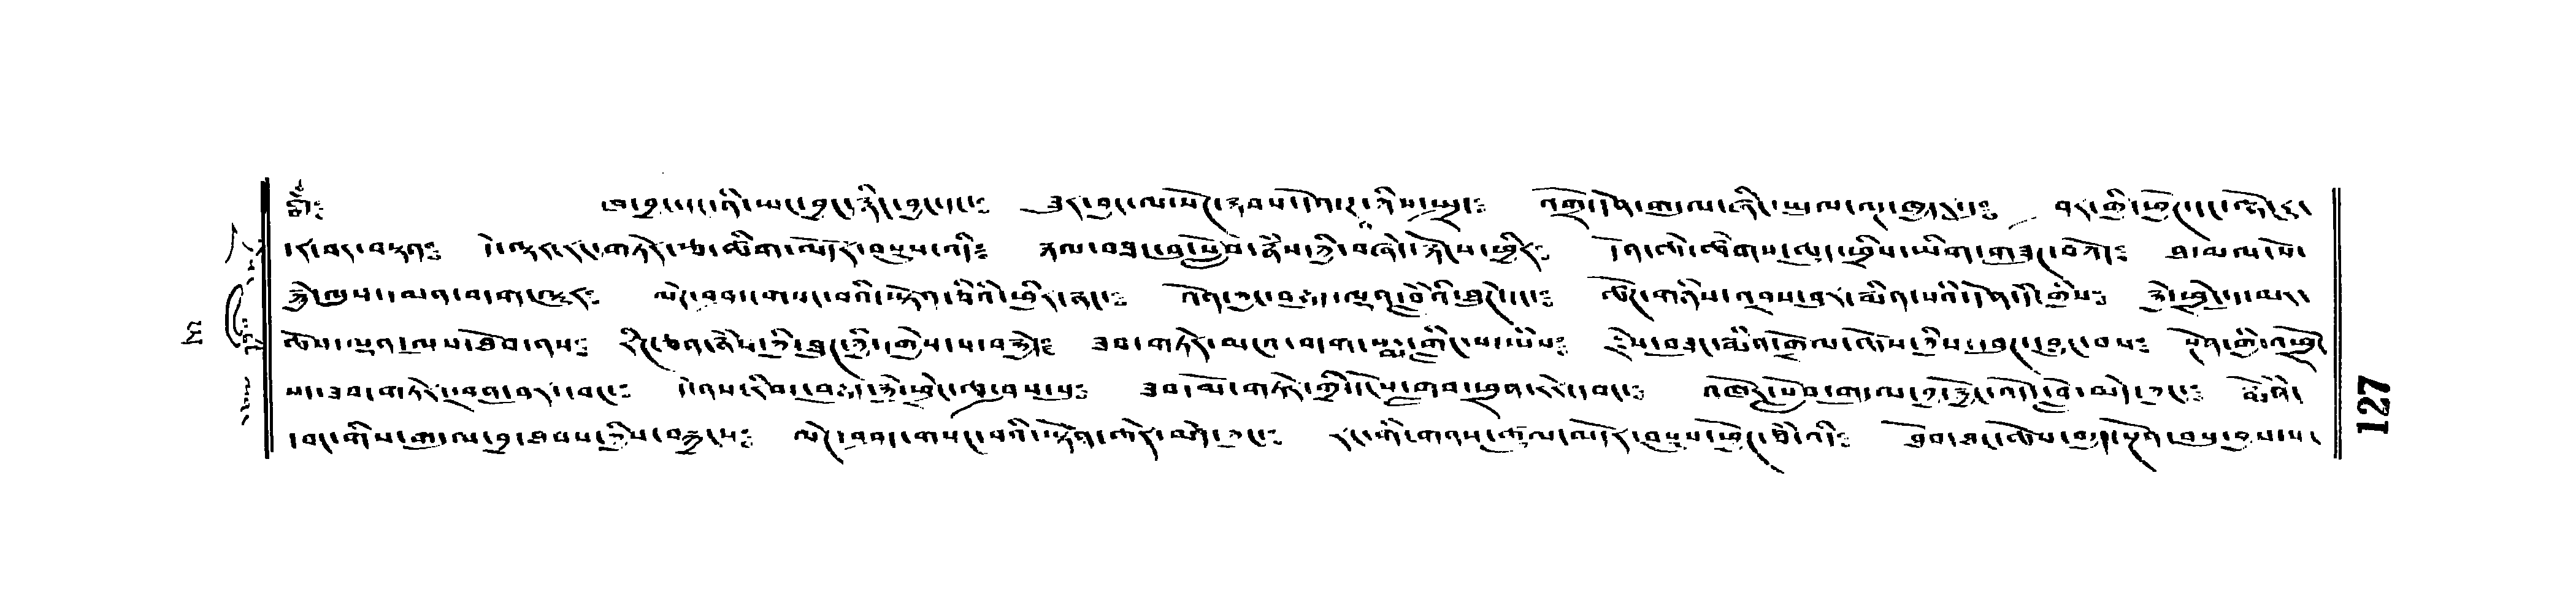ཁ་བྱང་དང་ནི་ཡང་བྱང་སྙིང་བྱང་དང༔ ཟུར་བྱང་ལ་སོགས་སྐབས་དོན་ཌཱ་ཀིས་སྤྲད༔ འགྲོ་དོན་གདུལ་ཞིང་ཡུལ་ལྔ་ཁྱད་པར་དུ༔ ཤར་གྱི་ཕྱོགས་དང་ལྷོ་རུ་
དར་བར་བསྟན༔ དེ་ལྟར་རང་གཏེར་རྩ་ཚིག་མདོར་བསྡུས་འདི༔ སྐལ་བཟང་བུ་སློབ་རྣམས་ཀྱི་བཞེད་སྐོང་ཕྱིར༔ དོན་ཆེ་ཚེགས་ཆུང་ཕྲིན་ལས་ཡིག་གཟུགས་བཀོད༔ ཐ་མལ་སོ་
སྐྱེ་ལུས་དམན་བདག་ལྟ་བུར༔ ལེགས་བཤད་གསང་བའི་ཡོན་ཏན་ཅིའི་ཕྱིར་སྣང༔ འོན་ཀྱང་བརྒྱུད་ལྡན་བླ་མའི་ཐུགས་རྗེ་དང༔ ཚོགས་གཉིས་འབྲས་བུར་སྨིན་པའི་དོན་དམ་གྱིས༔ སྐྱེ་ཕྲེང་དུ་མར་
ཆོས་ལྡན་ལུས་ཐོབ་ནས༔ རིགས་ཅན་རྣམས་ཀྱི་ཐུགས་ཀྱི་དགྱེས་པ་བསྐྱེད༔ ཟབ་གཏེར་མངའ་བདག་པདྨ་གླིང་པ་ཡིས༔ རྗེས་བཟུང་སྨིན་གྲོལ་ཆོས་ཀྱིས་དབུགས་དབྱུང་བས༔ སྔོན་གྱི་འཕྲོ་
སད་ཟབ་གཏེར་ཕྲན་བུར་དབང༔ དེ་ནས་རིམ་བརྒྱུད་སྐྱེ་ཕྲེང་ཆ་ཤས་སུ༔ ཟབ་མོ་གཏེར་གྱིས་དངོས་གྲུབ་ཕྲན་རེར་དབང༔ འཁོར་སློབ་གདུལ་བྱ་སྐྱོང་འདོད་བློ་མེད་ཀྱང༔ སྨོན་ལམ་
དབང་གིས་གདུལ་བྱ་ཐབས་ཀྱིས་བསྐྱངས༔ ལེགས་བཤད་གསང་བའི་ཡོན་ཏན་ཆེར་མེད་ཀྱང༔ རང་གི་གནས་ཚུལ་མདོར་བསྡུས་ཕྱོགས་ཙམ་འདི༔ ཐོབ་ཐང་ཆོས་བརྒྱད་སྔོན་བསུ་བྱས་པ་